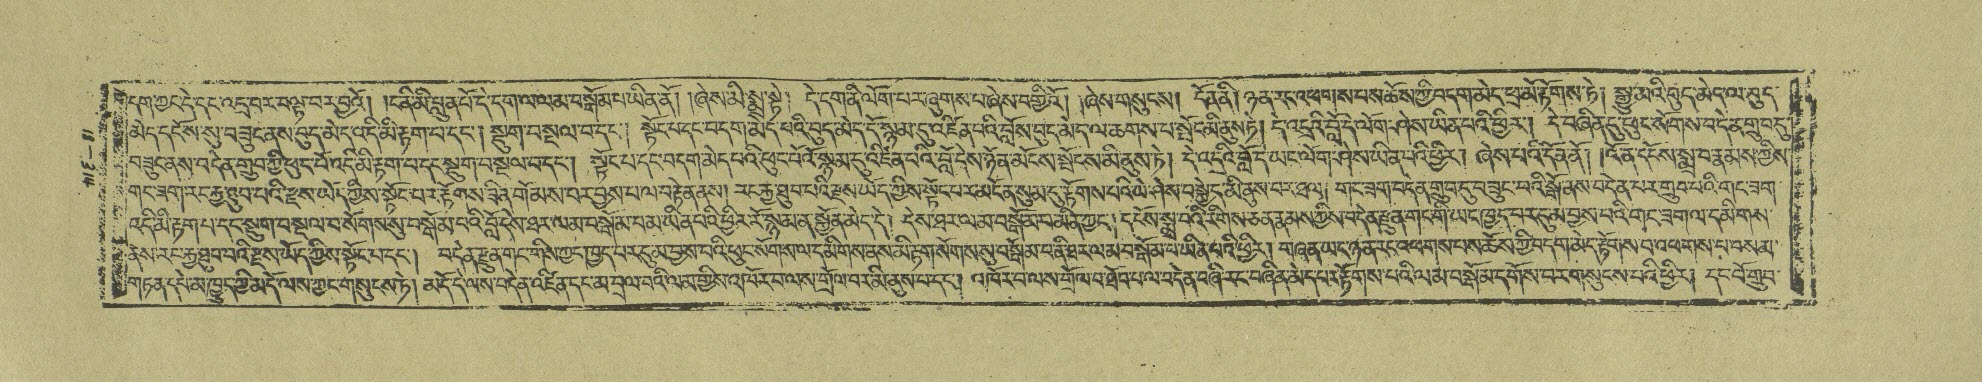དག་ཀྱང་དེ་དང་འདྲ་བར་བལྟ་བར་བྱའོ། །ང་ནི་མི་བླུན་པོ་དེ་དག་ལ་ལམ་བསྒོམ་པ་ཡིན་ནོ། །ཞེས་མི་སྨྲ་སྟེ། དེ་དག་ནི་ལོག་པར་ཞུགས་པ་ཞེས་བགྱིའོ། །ཞེས་གསུངས། དོན་ནི། ཉན་རང་འཕགས་པས་ཆོས་ཀྱི་བདག་མེད་ཕྲ་མོ་རྟོགས་ཏེ། སྒྱུ་མའི་བུད་མེད་ལ་བུད་
མེད་དངོས་སུ་བཟུང་ནས་བུད་མེད་འདི་མི་རྟག་པ་དང་། སྡུག་བསྔལ་བ་དང་། སྟོང་པ་དང་བདག་མེད་པའི་བུད་མེད་དོ་སྙམ་དུ་འཛིན་པའི་བློས་བུད་མེད་ལ་ཆགས་པ་སྤོང་མི་ནུས་ཏེ། དེ་འདྲའི་བློ་དེ་ལོག་ཤེས་ཡིན་པའི་ཕྱིར། དེ་བཞིན་དུ་ཕུང་སོགས་བདེན་གྲུབ་དུ་
བཟུང་ནས་བདེན་གྲུབ་ཀྱི་ཕུང་པོ་འདི་མི་རྟག་པ་དང་སྡུག་བསྔལ་བ་དང་། སྟོང་པ་དང་བདག་མེད་པའི་ཕུང་པོའོ་སྙམ་དུ་འཛིན་པའི་བློ་དེས་ཉོན་མོངས་སྤོངས་མི་ནུས་ཏེ། དེ་འདྲའི་བློ་དེ་ཡང་ལོག་ཤེས་ཡིན་པའི་ཕྱིར། ཞེས་པའི་དོན་ནོ། །འོ་ན་དངོས་སྨྲ་བ་རྣམས་ཀྱིས་
གང་ཟག་རང་རྐྱ་ཐུབ་པའི་རྫས་ཡོད་ཀྱིས་སྟོང་པར་རྟོགས་ཟིན་གོམས་པར་བྱས་པ་ལ་བརྟེན་ནས། རང་རྐྱ་ཐུབ་པའི་རྫས་ཡོད་ཀྱིས་སྟོང་པར་མངོན་སུམ་དུ་རྟོགས་པའི་ཡེ་ཤེས་བསྐྱེད་མི་ནུས་པར་ཐལ། གང་ཟག་བདེན་གྲུབ་དུ་བཟུང་བའི་སྒོ་ནས་བདེན་པར་གྲུབ་པའི་གང་ཟག་
འདི་མི་རྟག་པ་དང་སྡུག་བསྔལ་བ་སོགས་སུ་བསྒོམ་པའི་བློ་དེས་ཐར་ལམ་བསྒོམ་པ་མ་ཡིན་པའི་ཕྱིར་རོ་སྙམ་ན་སྐྱོན་མེད་དེ། དེས་ཐར་ལམ་བསྒོམ་པ་མིན་ཀྱང་། དངོས་སྨྲ་བའི་རིགས་ཅན་རྣམས་ཀྱིས་བདེན་རྫུན་གང་གི་ཡང་ཁྱད་པར་དུ་མ་བྱས་པའི་གང་ཟག་ལ་དམིགས་
ནས་རང་རྐྱ་ཐུབ་པའི་རྫས་ཡོད་ཀྱིས་སྟོང་བ་དང་། བདེན་རྫུན་གང་གིས་ཀྱང་ཁྱད་པར་དུ་མ་བྱས་པའི་ཕུང་སོགས་ལ་དམིགས་ནས་མི་རྟག་སོགས་སུ་བསྒོམ་པ་ནི་ཐར་ལམ་བསྒོམ་པ་ཡིན་པའི་ཕྱིར། གཞན་ཡང་ཉན་རང་འཕགས་པས་ཆོས་ཀྱི་བདག་མེད་རྟོགས་པ་འཕགས་པ་བསམ་
གཏན་དཔེ་མ་ཁྱུད་ཀྱི་མདོ་ལས་ཀྱང་གསུངས་ཏེ། མདོ་དེ་ལས་བདེན་འཛིན་དང་མ་བྲལ་བའི་ལམ་གྱིས་འཁོར་བ་ལས་གྲོལ་བར་མི་ནུས་པ་དང་། འཁོར་བ་ལས་གྲོལ་བ་ཐོབ་པ་ལ་བདེན་བཞི་རང་བཞིན་མེད་པར་རྟོགས་པའི་ལམ་བསྒོམ་དགོས་པར་གསུངས་པའི་ཕྱིར། དང་པོ་གྲུབ་